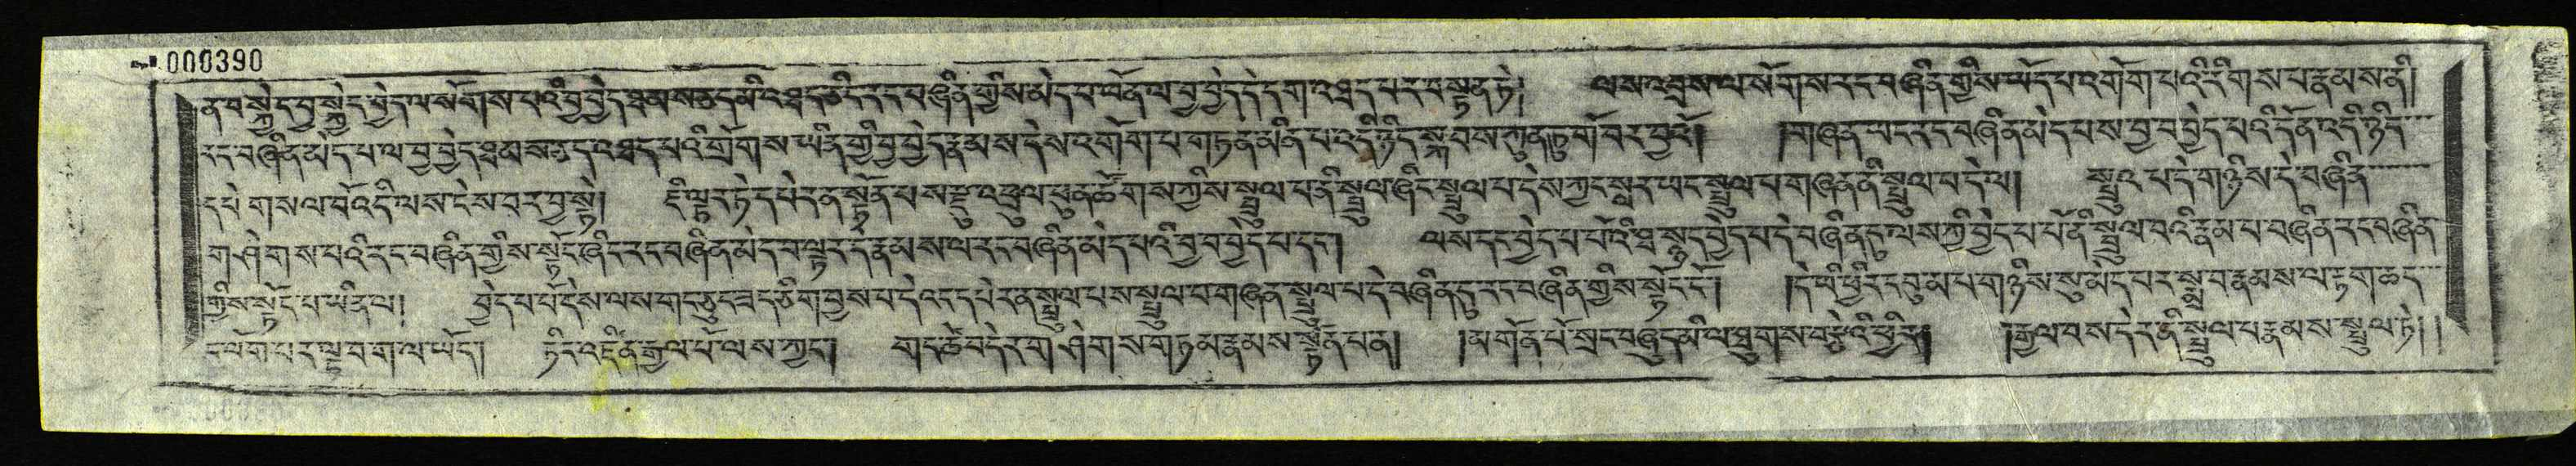ན་བསྐྱེད་བྱ་སྐྱེད་བྱེད་ལ་སོགས་པའི་བྱ་བྱེད་ཐམས་ཅད་མི་འཐད་ཅིང་རང་བཞིན་གྱིས་མེད་པ་ཁོ་ན་ལ་བྱ་བྱེད་དེ་དག་འཐད་པར་བསྟན་ཏེ། ལས་འབྲས་ལ་སོགས་རང་བཞིན་གྱིས་ཡོད་པ་འགོག་པའི་རིགས་པ་རྣམས་ནི།
རང་བཞིན་མེད་པ་ལ་བྱ་བྱེད་ཐམས་ཅད་འཐད་པའི་གྲོགས་ཡིན་གྱི་བྱ་བྱེད་རྣམས་དེས་འགོག་པ་གཏན་མིན་པ་འདི་ཉིད་སྐབས་ཀུན་ཏུ་གོ་བར་བྱའོ། །གཞན་ཡང་རང་བཞིན་མེད་པས་བྱ་བ་བྱེད་པའི་དོན་འདི་ཉིད་
དཔེ་གསལ་བོ་འདི་ལས་ངེས་བར་བྱ་སྟེ། ཇི་ལྟར་ཏེ་དཔེར་ན་སྟོན་པས་རྫུ་འཕྲུལ་ཕུན་ཚོགས་ཀྱིས་སྤྲུལ་པ་ནི་སྤྲུལ་ཞིང་སྤྲུལ་པ་དེས་ཀྱང་སླར་ཡང་སྤྲུལ་པ་གཞན་ནི་སྤྲུལ་པ་དེ་ལ། སྤྲུལ་པ་དེ་གཉིས་དེ་བཞིན་
གཤེགས་པའི་རང་བཞིན་གྱིས་སྟོང་ཞིང་རང་བཞིན་མེད་པ་ལྟར་དེ་རྣམས་ལ་རང་བཞིན་མེད་པའི་བྱ་བ་བྱེད་པ་དང་། ལས་དང་བྱེད་པ་པོའི་ཐ་སྙད་བྱེད་པ་དེ་བཞིན་དུ་ལས་ཀྱི་བྱེད་པ་པོ་ནི་སྤྲུལ་པའི་རྣམ་པ་བཞིན་རང་བཞིན་
གྱིས་སྟོང་པ་ཡིན་ལ། བྱེད་པ་པོ་དེས་ལས་གང་ཅུང་ཟད་ཅིག་བྱས་པ་དེའང་དཔེར་ན་སྤྲུལ་པས་སྤྲུལ་པ་གཞན་སྤྲུལ་པ་དེ་བཞིན་དུ་རང་བཞིན་གྱིས་སྟོང་ངོ། །དེ་ཡི་ཕྱིར་དབུ་མ་པ་གཉིས་སུ་མེད་པར་སྨྲ་བ་རྣམས་ལ་རྟག་ཆད་
ང་ལོག་པར་ལྟ་བ་ག་ལ་ཡོད། ཏིང་འཛིན་རྒྱལ་པོ་ལས་ཀྱང་། གང་ཚེ་བ་དེར་གཤེགས་གཏམ་རྣམས་སྟོན་པ་ན། །མགོན་པོ་སྲང་བཞུད་མི་ལ་ཐུགས་བརྩེའི་ཕྱིར། །རྒྱལ་བས་དེར་ནི་སྤྲུལ་པ་རྣམས་སྤྲུལ་ཏེ། །